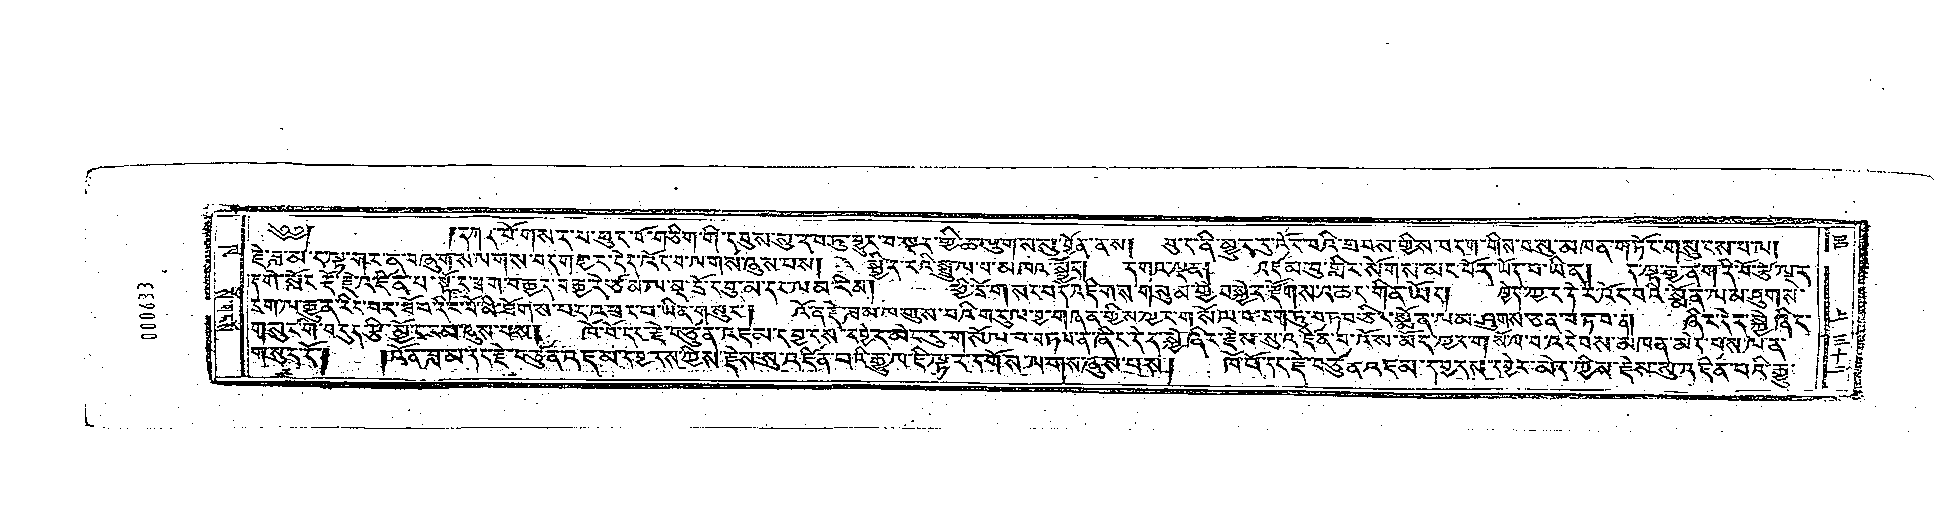༄༅། །དཀར་པོ་གསར་པ་ཕུང་པོ་གཅིག་གི་དབུས་སུ་རབ་ཏུ་བྱུང་བ་སྔར་གྱི་ཆ་ལུགས་སུ་བྱོན་ནས། བུ་ང་ནི་མྱུར་དུ་འོང་བའི་གྲབས་ཀྱིས་བདག་གིས་བསུ་མཁན་གཏོང་གསུངས་པ་ལ།
རྗེ་བླ་མ་ད་ལྟ་གང་ན་བཞུགས་ལགས་བདག་ཀྱང་ངེད་འོང་བ་ལགས་ཞུས་པས། སྦྱིར་ངའི་སྤྲུལ་པ་མཁའ་སྤྱོད། དགའ་ལྡན། འཛམ་བུ་གླིང་སོགས་མང་པོར་ཡོད་པ་ཡིན། ད་ལྟ་རྒྱ་ནག་རི་བོ་རྩེ་ལྔར་
དགེ་སློང་རྡོ་རྗེ་འཛིན་པ་སྟོང་ཕྲག་བརྒྱད་བརྒྱ་རེ་ཙམ་ལ་སྔ་དྲོ་དབུ་མ་དང་ལམ་རིམ། ཕྱི་དྲོ་གསང་བདེ་འཇིགས་གསུམ་གྱི་བསྐྱེད་རྫོགས་འཆར་གིན་ཡོད། ཁྱེད་ཀྱང་དེར་འོང་བའི་སྨོན་ལམ་ཤུགས་
དྲག་ལ་རྒྱུན་རིང་བར་ཐོབ་རིང་པོ་མི་ཐོགས་པར་འཕྲང་པ་ཡིན་གསུང་། འོ་ན་རྗེ་བླ་མ་ལ་གུས་པའི་གདུལ་བྱ་གཞན་གྱིས་ཀྱང་གསོལ་བ་དྲག་ཏུ་བཏབ་ཅིང་སྨོན་ལམ་ཤུགས་ཅན་བཏབ་ན། ཞིང་དེར་སྐྱེ་ཞིང་
གསུང་གི་བདུད་རྩི་མྱོང་ངམ་ཞུས་པས། ཁོ་བོ་དང་རྗེ་བཙུན་འཇམ་དབྱངས་དབྱེར་མེད་དུ་གསོལ་བ་བཏབ་ན་ཞིང་དེར་སྐྱེ་ཞིང་རྗེས་སུ་འཛིན་པ་འོས་མོད་ཀྱང་གསོལ་བ་འདེབས་མཁན་མེད་པས་ལན་
གསུང་ངོ། །འོ་ན་བླ་མ་དང་རྗེ་བཙུན་འཇམ་དབྱངས་ཀྱིས་རྗེས་སུ་འཛིན་བའི་རྒྱུ་ལ་ཇི་ལྟར་དགོས་ལགས་ཞུས་པས། ཁོ་བོ་དང་རྗེ་བཙུན་འཇམ་དབྱངས་དབྱེར་མེད་ཀྱིས་རྗེས་སུ་འཛིན་པའི་རྒྱུ་